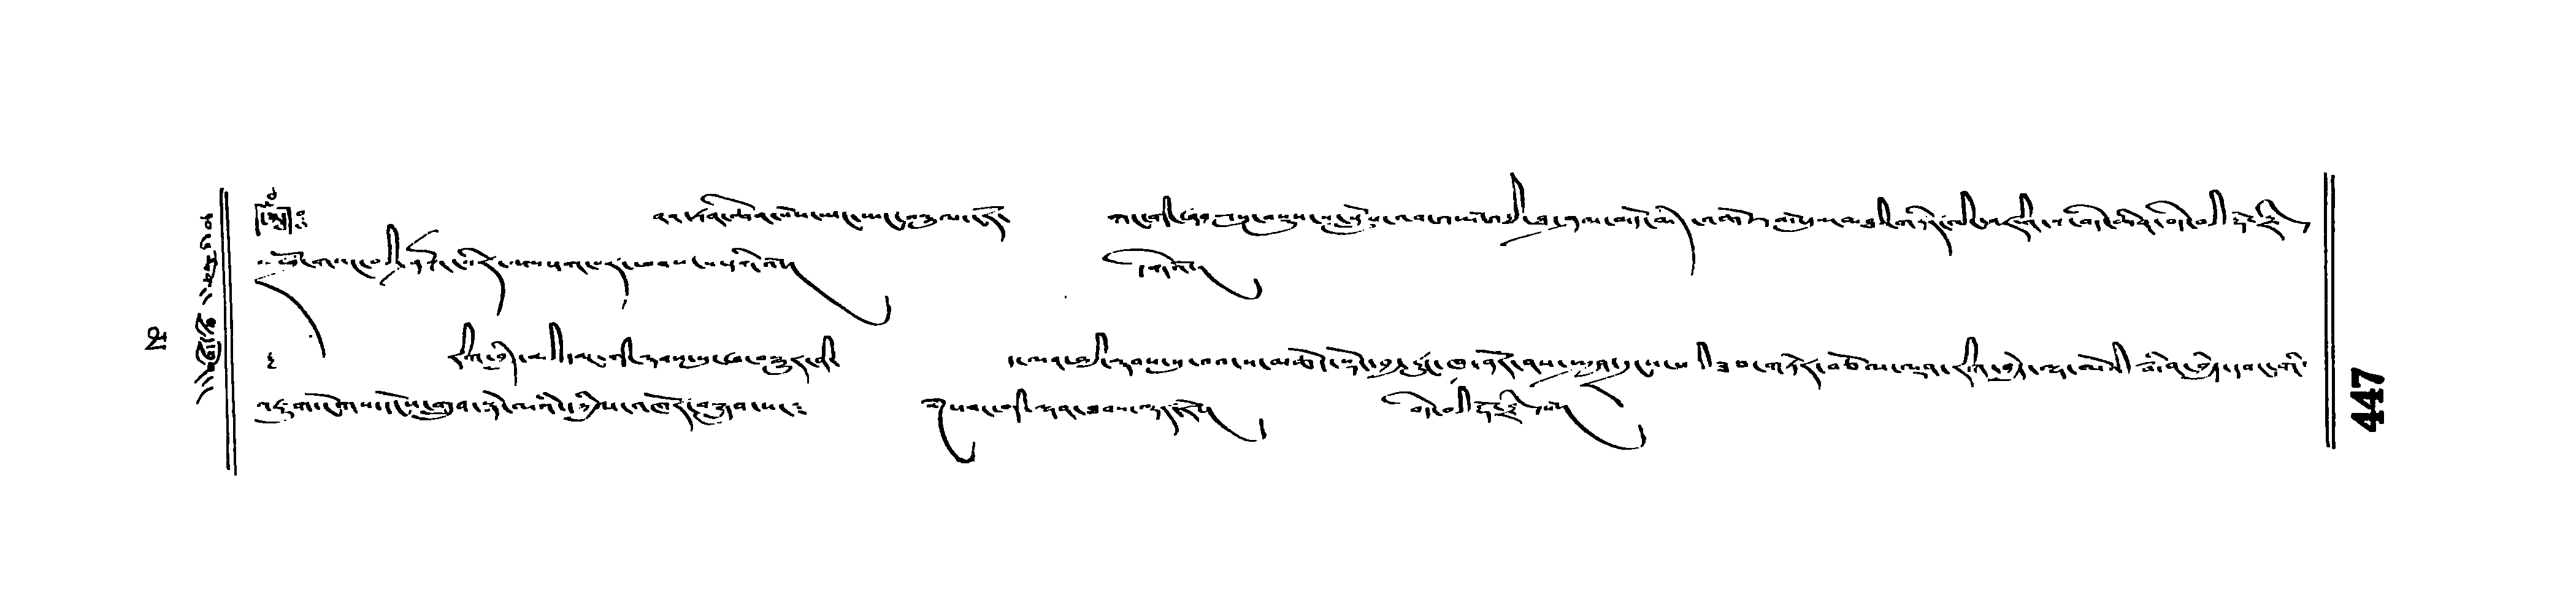ནན་ཏན་ཆེན་པོས་ཡང་ཡང་བསྐུལ་ངོར། གང་གི་ཞབས་སུ་བསྡུས་པ་སློབ་འབངས་ཡོངས་ཀྱི་ཐ་ཤལ་མདོ་མེད་འཆོལ་མོ་དུས་མཐའི་གཏེར་མིང་འཛིན་པ་བདེ་ཆེན་བདེ་བའི་རྡོ་རྗེས་
མཁའ་འགྲོ་གསང་བའི་ཤོག་སེར་ལས་དག་པར་ཕབས་པ་དགེའོ།། 
༈ རིག་བྱེད་མའི་དབང་གི་སྐབས་སུ་ཁ་བསྒྱུར་ནི། ད་ལན་གྱི་སྐབས་སུ་བབ་པ་མཆོད་སྡོང་བྱ་རུང་ཁ་ཤོར་ནས་སྤྱན་དྲངས་པའི་ཟབ་གཏེར་བཅོམ་ལྡན་རིག་བྱེད་ལྷ་མོའི་སྨིན་བྱེད་དབང་གི་
འཇུག་ངོགས་དངོས་གྲུབ་སྙེ་མའི་དཀྱིལ་འཁོར་བསྒྲུབ་པ༔ སོགས་དབང་གི་ལྷན་ཐབས་ལྟར་རོ། བདེ་བའི་རྡོ་རྗེས་སོ།།